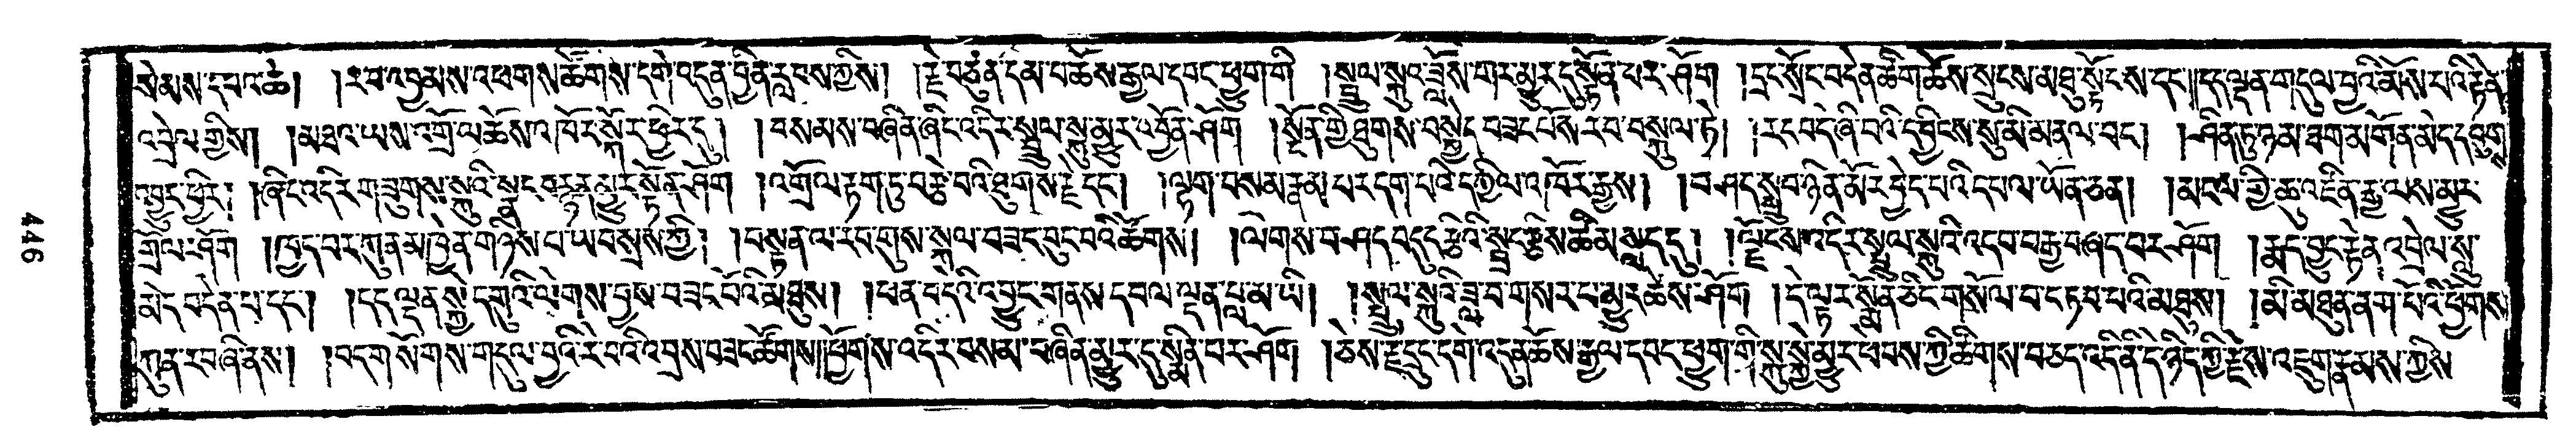སེམས་དཔའ་ཆེ། །རབ་འབྱམས་འཕགས་ཚོགས་དགེ་འདུན་བྱིན་རླབས་ཀྱིས། །རྗེ་བཙུན་དམ་པ་ཆོས་རྒྱལ་དབང་ཕྱག་གི །སྤྲུལ་སྐུ་བཟློས་གར་མྱུར་དུ་སྟོན་པར་ཤོག །དྲང་སྲོང་བདེན་ཚིག་ཆོས་སྲུངས་མཐུ་སྟོངས་དང་། །དད་ལྡན་གདུལ་བྱའི་མོས་པའི་རྟེན་
འབྲེལ་གྱིས། །མཐའ་ཡས་འགྲོ་ལ་ཆོས་འཁོར་སྐོར་ཕྱིར་དུ། །བསམས་བཞིན་ཞིང་འདིར་སྤྲུལ་སྐུ་མྱུར་འབྱོན་ཤོག །སྔོན་གྱི་ཐུགས་བསྐྱེད་བཟང་པོས་རབ་བསྐུལ་ཏེ། །རང་བདེ་ཞི་བའི་དབྱིངས་སུ་མི་མནལ་བང་། །ཤིན་ཏུ་ཉམ་ཐག་མགོན་མེད་དབུགས་
འབྱུང་ཕྱིར། །ཞིང་འདིར་གཟུགས་སྐུའི་སྣང་བརྙན་མྱུར་སྟོན་ཤོག །འགྲོ་ལ་རྟག་ཏུ་བརྩེ་བའི་ཐུགས་རྗེ་དང་། །ལྷག་བསམ་རྣམ་པར་དག་པའི་དཀྱིལ་འཁོར་རྒྱས། །བཤད་སྒྲུབ་ཉིན་མོར་བྱེད་པའི་དཔལ་ཡོན་ཅན། །མངལ་གྱི་ཆུ་འཛིན་རྒྱ་ལས་མྱུར་
གྲོལ་ཤོག །ཁྱད་བར་ཀུན་མཁྱེན་གཉིས་པ་ཡབ་སྲས་ཀྱི། །བསྟན་ལ་རབ་གུས་སྐལ་བཟང་བུང་བའི་ཚོགས་།ལེགས་བཤད་བདུད་རྩིའི་སྦྲང་རྩིས་ཚིམ་སླད་དུ། །ལྗོངས་འདིར་སྤྲུལ་སྐུའི་འདབ་རྒྱ་བཞད་བར་ཤོག །རྨད་བྱུང་རྟེན་འབྲེལ་སླུ་
མེད་བདེན་པ་དང་། །དད་ལྡན་སྐྱེ་དགུའི་ལེགས་བྱས་བཟང་པོའི་མཐུས། །ཕན་བདེའི་འབྱུང་གནས་དབལ་ལྡན་བླ་མ་ཡི། །སྤྲུལ་སྐུའི་ཟླ་བ་གསར་པ་མྱུར་ཚེས་ཤོག །དེ་ལྟར་སྨོན་ཅིང་གསོལ་བ་བཏབ་པའི་མཐུས། །མི་མཐུན་ནག་པོའི་ཕྱོགས་
ཀུན་རབ་ཞི་ནས། །བདག་སོགས་གདུལ་བྱའི་རེ་བའི་འབྲས་བཟང་ཚོགས། །ཕྱོགས་འདིར་བསམ་བཞིན་མྱུར་དུ་སྨིན་པར་ཤོག །ཅེས་རྗེ་དྲུང་དགེ་འདུན་ཆོས་རྒྱལ་དབང་ཕྱུག་གི་སྐུ་སྐྱེ་མྱུར་ཕེབས་ཀྱི་ཚིགས་བཅད་འདི་ནི་དེ་ཉིད་ཀྱི་རྗེས་འཇུག་རྣམས་ཀྱིས་